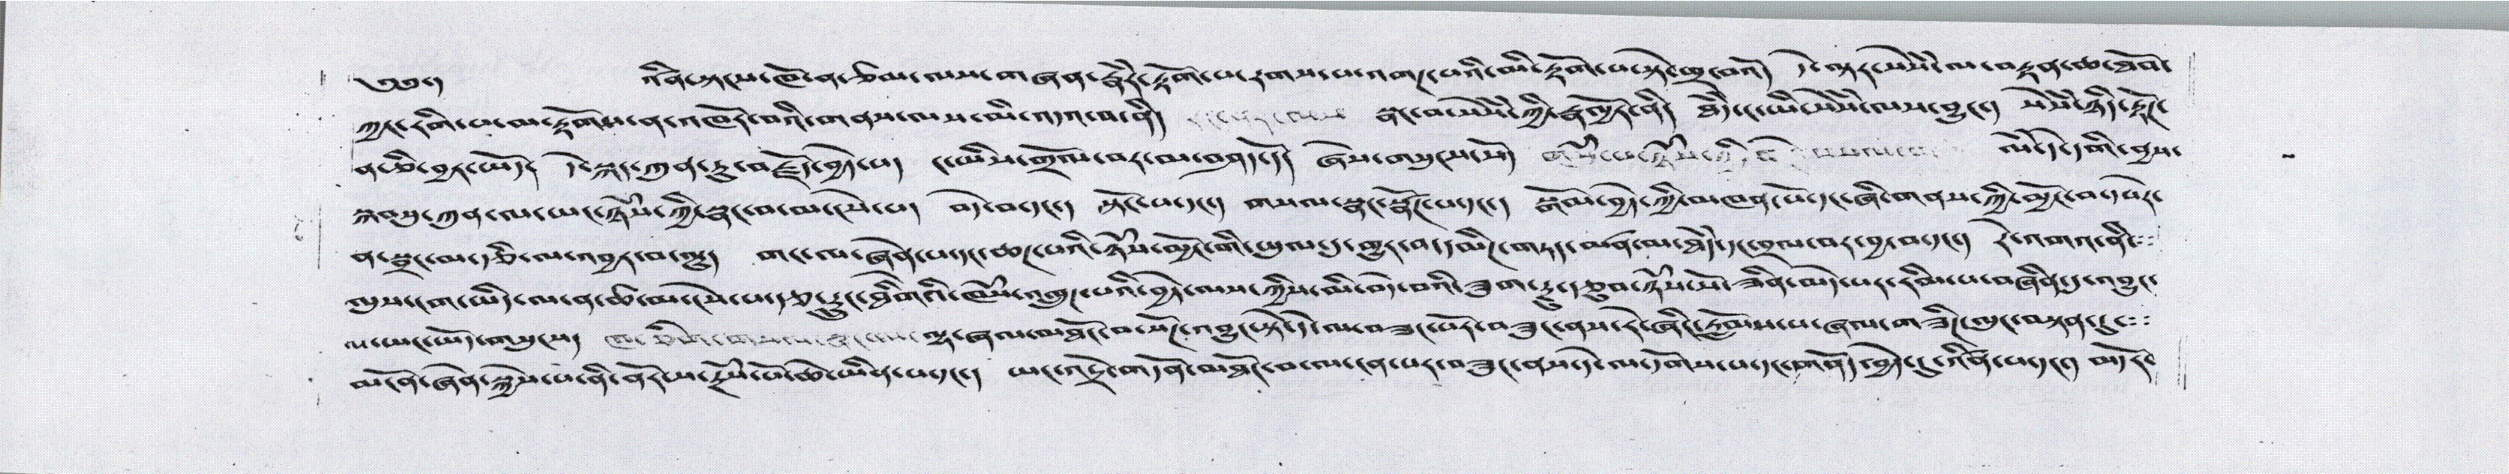འཛིན་སྟང་ཁོ་ན་ཙམ་ལས་གཞན་རྣམ་པར་རྟོག་པ་རགས་པ་འགགས་པའི་མི་རྟོག་པ་སྟེ་ཕྲ་བའོ། དེ་ལྟར་སེམས་ལ་བརྟན་ཆ་ཐོབ་
ཀྱང་རིག་པ་ལ་རྟོགས་ན་འཁོར་བའི་གནས་ལས་མི་འདའ་བ་ནི། རང་ཤར་ལས། སྣང་བ་སེམས་ཀྱི་རྣལ་འབྱོར་ནི། ཐམས་ཅད་ཡི་སེམས་ལས་བྱུང། སེམས་ཉིད་རྟོགས་
ན་ཅི་བྱར་ཡོད། དེ་སྐད་ཀུན་ཏུ་བརྗོད་བྱེད་པ། ང་ཡིས་གྲོལ་བར་མ་བཤད་དོ། ཞེས་གསུངས་སོ། གསུམ་པ་ཉམས་ཀྱི་་་་་བསལ་བ། ལམ་དེ་དག་གི་གནས་
སྐབས་སུ་ཀུན་ལ་ཡང་ཉམས་ཀྱི་སྣང་བ་མ་ངེས་པ། བདེ་བ་དང། སྟོང་པ་དང། གསལ་སྣང་སྣ་ཚོགས་པ་དང། སྒོམ་བྱེད་ཀྱི་མཁན་པོ་དང་ཞི་གནས་ཀྱི་མྱོང་བ་དཔེར་
ན་སྦྲང་མ་རྩི་ལ་འབྱར་བ་ལྟ་བུ། གང་ལ་ཞེན་པ་དང་ཆགས་པའི་ཉམས་མྱོང་གི་ཡུལ་དུ་གྱུར་བ་དམིགས་གཏད་མཚན་མ་ཐམས་ཅད་དང་བྲལ་བར་བྱ་བ་དང། རེ་འགའ་ནི་
ལུས་ངག་ཡིད་ལ་ན་ཚ་མ་ངེས་པ་རྩ་རླུང་ཐིག་ལེའི་ཁམས་འཁྲུགས་པའི་བྱེད་ལས་ཀྱིས་མི་བདེ་བའི་ཟུག་རྔུ་རྩུབ་ཉམས་སོ་ཟིན་མེད་པར་རིམ་པ་བཞིན་དུ་འབྱུང་
ལ་ཡང་ཡོད་གསུངས། ཁ་ཅིག་གསལ་སྣང་བས་ལྷ་ཞལ་མཐོང་བ་སོགས་འབྱུང་སྟེ་དེ་ལ་བཟང་པོར་བཟུང་ནས་རེ་ཞིང་རློམས་པ་ཞལ་གཟིགས་ལུང་བསྟན་དུ་
མངོན་ཞེན་སྐྱེས་པ་ནི་ནོར་ས་རྔམས་པོ་ཆེ་ཡིན་པ་དང། ཡང་འདྲེ་གདོན་མཐོང་བ་ལ་ངན་པར་བཟུང་ནས་དེ་ལ་དགོས་པ་དང་གནོད་བྱེད་དུ་འཛིན་པ་དང། མདོར་